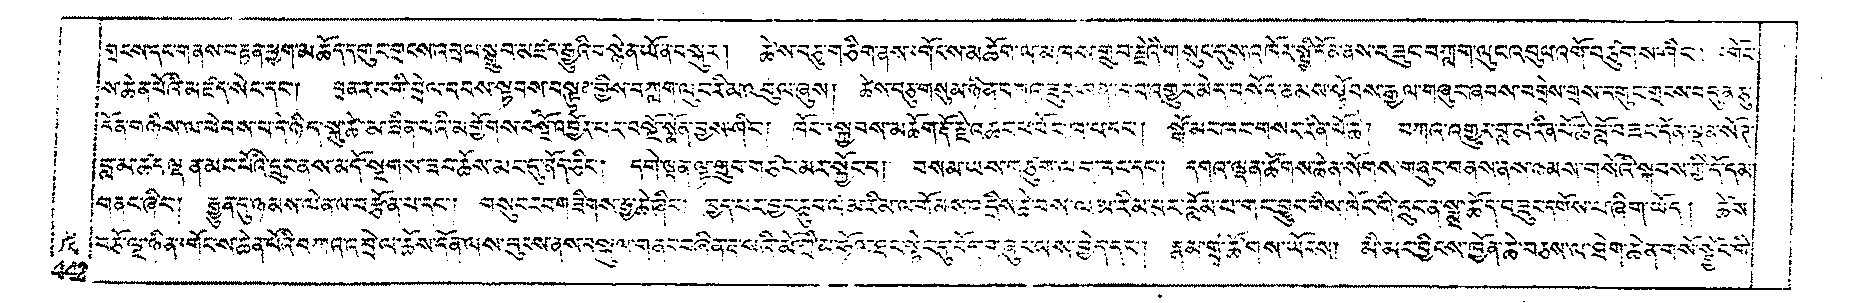གྲངས་དང་གནས་བརྟན་ཕྱག་མཆོད་དགུང་གྲངས་འཕྲལ་སྒྲུབ་མཛད་རྒྱུའི་བསྙེན་ཡོན་བསྐུར། ཚེས་བཅུ་གཅིག་ནས་༧གོང་ས་མཆོག་ལ་མཁས་གྲུབ་རྗེའི་གསུང་དུས་འཁོར་སྤྱི་དོན་ནས་བཟུང་བཀླག་ལུང་འབུལ་འགོ་བཙུགས་ཤིང་། ༧གོང་
ས་ཆེན་པོའི་མཛད་སེང་དང་། ཕྲན་རང་གི་བྲེལ་བབས་སྟབས་བསྟུན་གྱིས་བཀླག་ལུང་རིམ་འབུལ་ཞུས། ཚེས་བཅུ་གསུམ་ཉིན་བཀའ་ཟུར་ཤན་ཁ་བ་འགྱུར་མེད་བསོད་ནམས་སྟོབས་རྒྱལ་གཞུང་ཞབས་བགྲེས་གྲས་དགུང་གྲངས་བདུན་ཅུ་
དོན་གཉིས་ལ་ཕེབས་པ་དེ་ཉིད་སྐུ་ཚེ་མ་ཟིན་པའི་མགྱོགས་བསྔོ་འབྱོར་པར་བསྔོ་སྨོན་བྱས་ཤིང་། ཁོང་༧སྐྱབས་མཆོག་རྡོ་རྗེ་འཆང་ཕ་བོང་ཁ་པ་དང་། སྒོ་མང་ཁང་གསར་རིན་པོ་ཆེ། བཀའ་འགྱུར་བླ་མ་རིན་པོ་ཆེ་བློ་བཟང་དོན་ལྡན་སོགས་
བླ་མ་ཚད་ལྡན་མང་པོའི་དྲུང་ནས་མདོ་སྔགས་ཟབ་ཆོས་མང་དུ་ནོད་ཅིང་། དགེ་ལྡན་ལྟ་གྲུབ་གཙང་མར་སྐྱོང་བ། བསམ་ཡས་ཙུག་ལག་ཁང་དང་། དགའ་ལྡན་ཚོགས་ཆེན་སོགས་གཞུང་གནས་ནས་ཉམས་གསོའི་སྐབས་ཀྱི་དོ་དམ་
གནང་ཞིང་། རྒྱུན་དུ་ཉམས་ལེན་ལ་བརྩོན་པ་དང་། གསུང་རབ་གཟིགས་རྒྱ་ཆེ་ཞིང་། ཁྱད་པར་བྱང་ཆུབ་ལམ་རིམ་ལ་གོམས་འདྲིས་ཆེ་བས་ལམ་རིམ་པར་རློམ་པ་གང་བྱུང་གིས་ཁོང་གི་དྲུང་ན་སྨྲ་ཚོད་བཟུང་དགོས་པ་ཞིག་ཡོད། ཚེས་
བཅོ་ལྔ་ཉིན་༧གོང་ས་ཆེན་པོའི་བཀའ་འབྲེལ་ཆོས་དོན་ལས་ཁུངས་ནས་བསྐུལ་གནང་བཞིན་རྡ་སའི་མོ་ཀྲི་མ་ཧོལ་ཐང་སྟེང་དུ་བོད་གཞུང་ལས་བྱེད་དང་། རྣམ་གྲྭ་ཚོགས་ཡོངས། མི་མང་བྱིངས་ཁྱོན་ཆེ་བཅས་ལ་ཐེག་ཆེན་གསོ་སྦྱོང་གི་